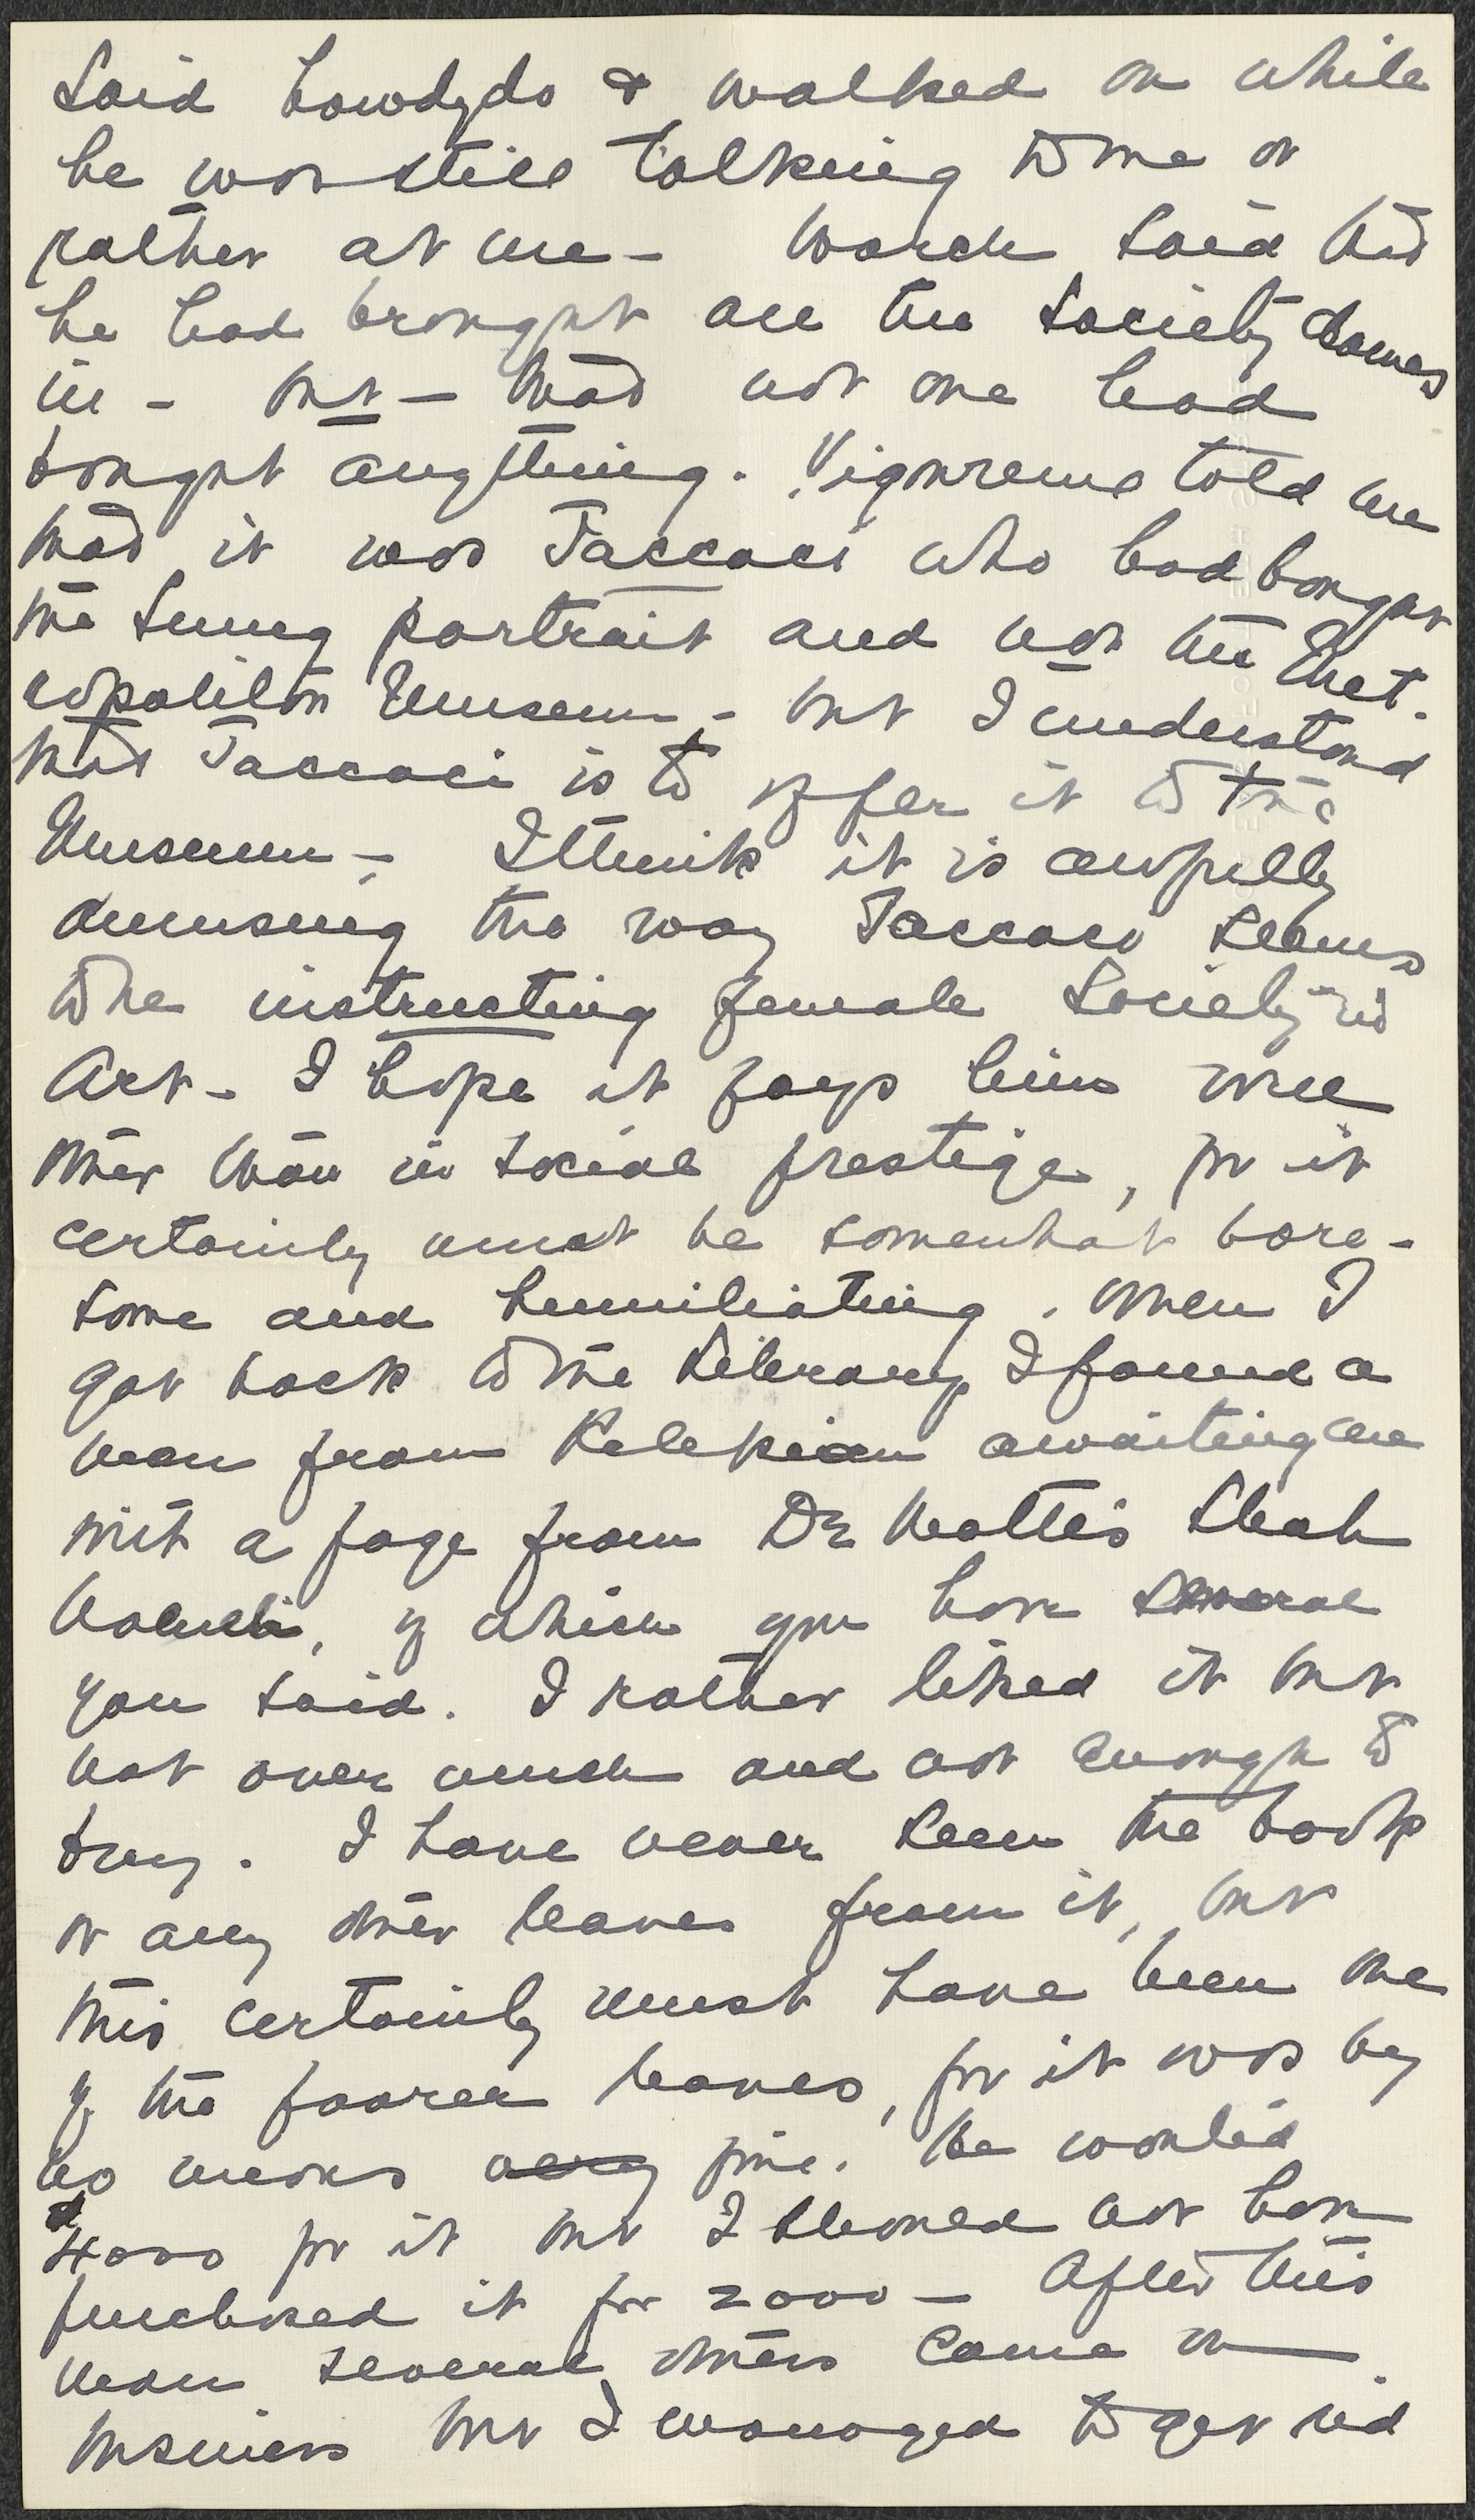said howdydo & walked on while he was still talking to me or rather at me – Worch said that he had brought all the society dames in – but – that not one had bought anything. Vigoureux told me that it was Jaccaci who had bought the Sung portrait and not the Metropolitan Museum – but I understand that Jaccaci is to offer it to the Museum – I think it is awfully amusing the way Jaccaci seems to be instructing female society in art – I hope it pays him well other than in social prestige, for it certainly must be somewhat boresome and humiliating. When I got back to the Library I found a man from Kelekian awaiting me with a page from De Motte’s Shah volume, of which you have several you said. I rather liked it but not overmuch and not enough to buy. I have never seen the book or any other leaves from it, but this certainly must have been one of the poorer leaves, for it was by no means very fine. He wanted $4000 for it but I should not have purchased it for 2000 – After this man several others came on business but I managed to get rid